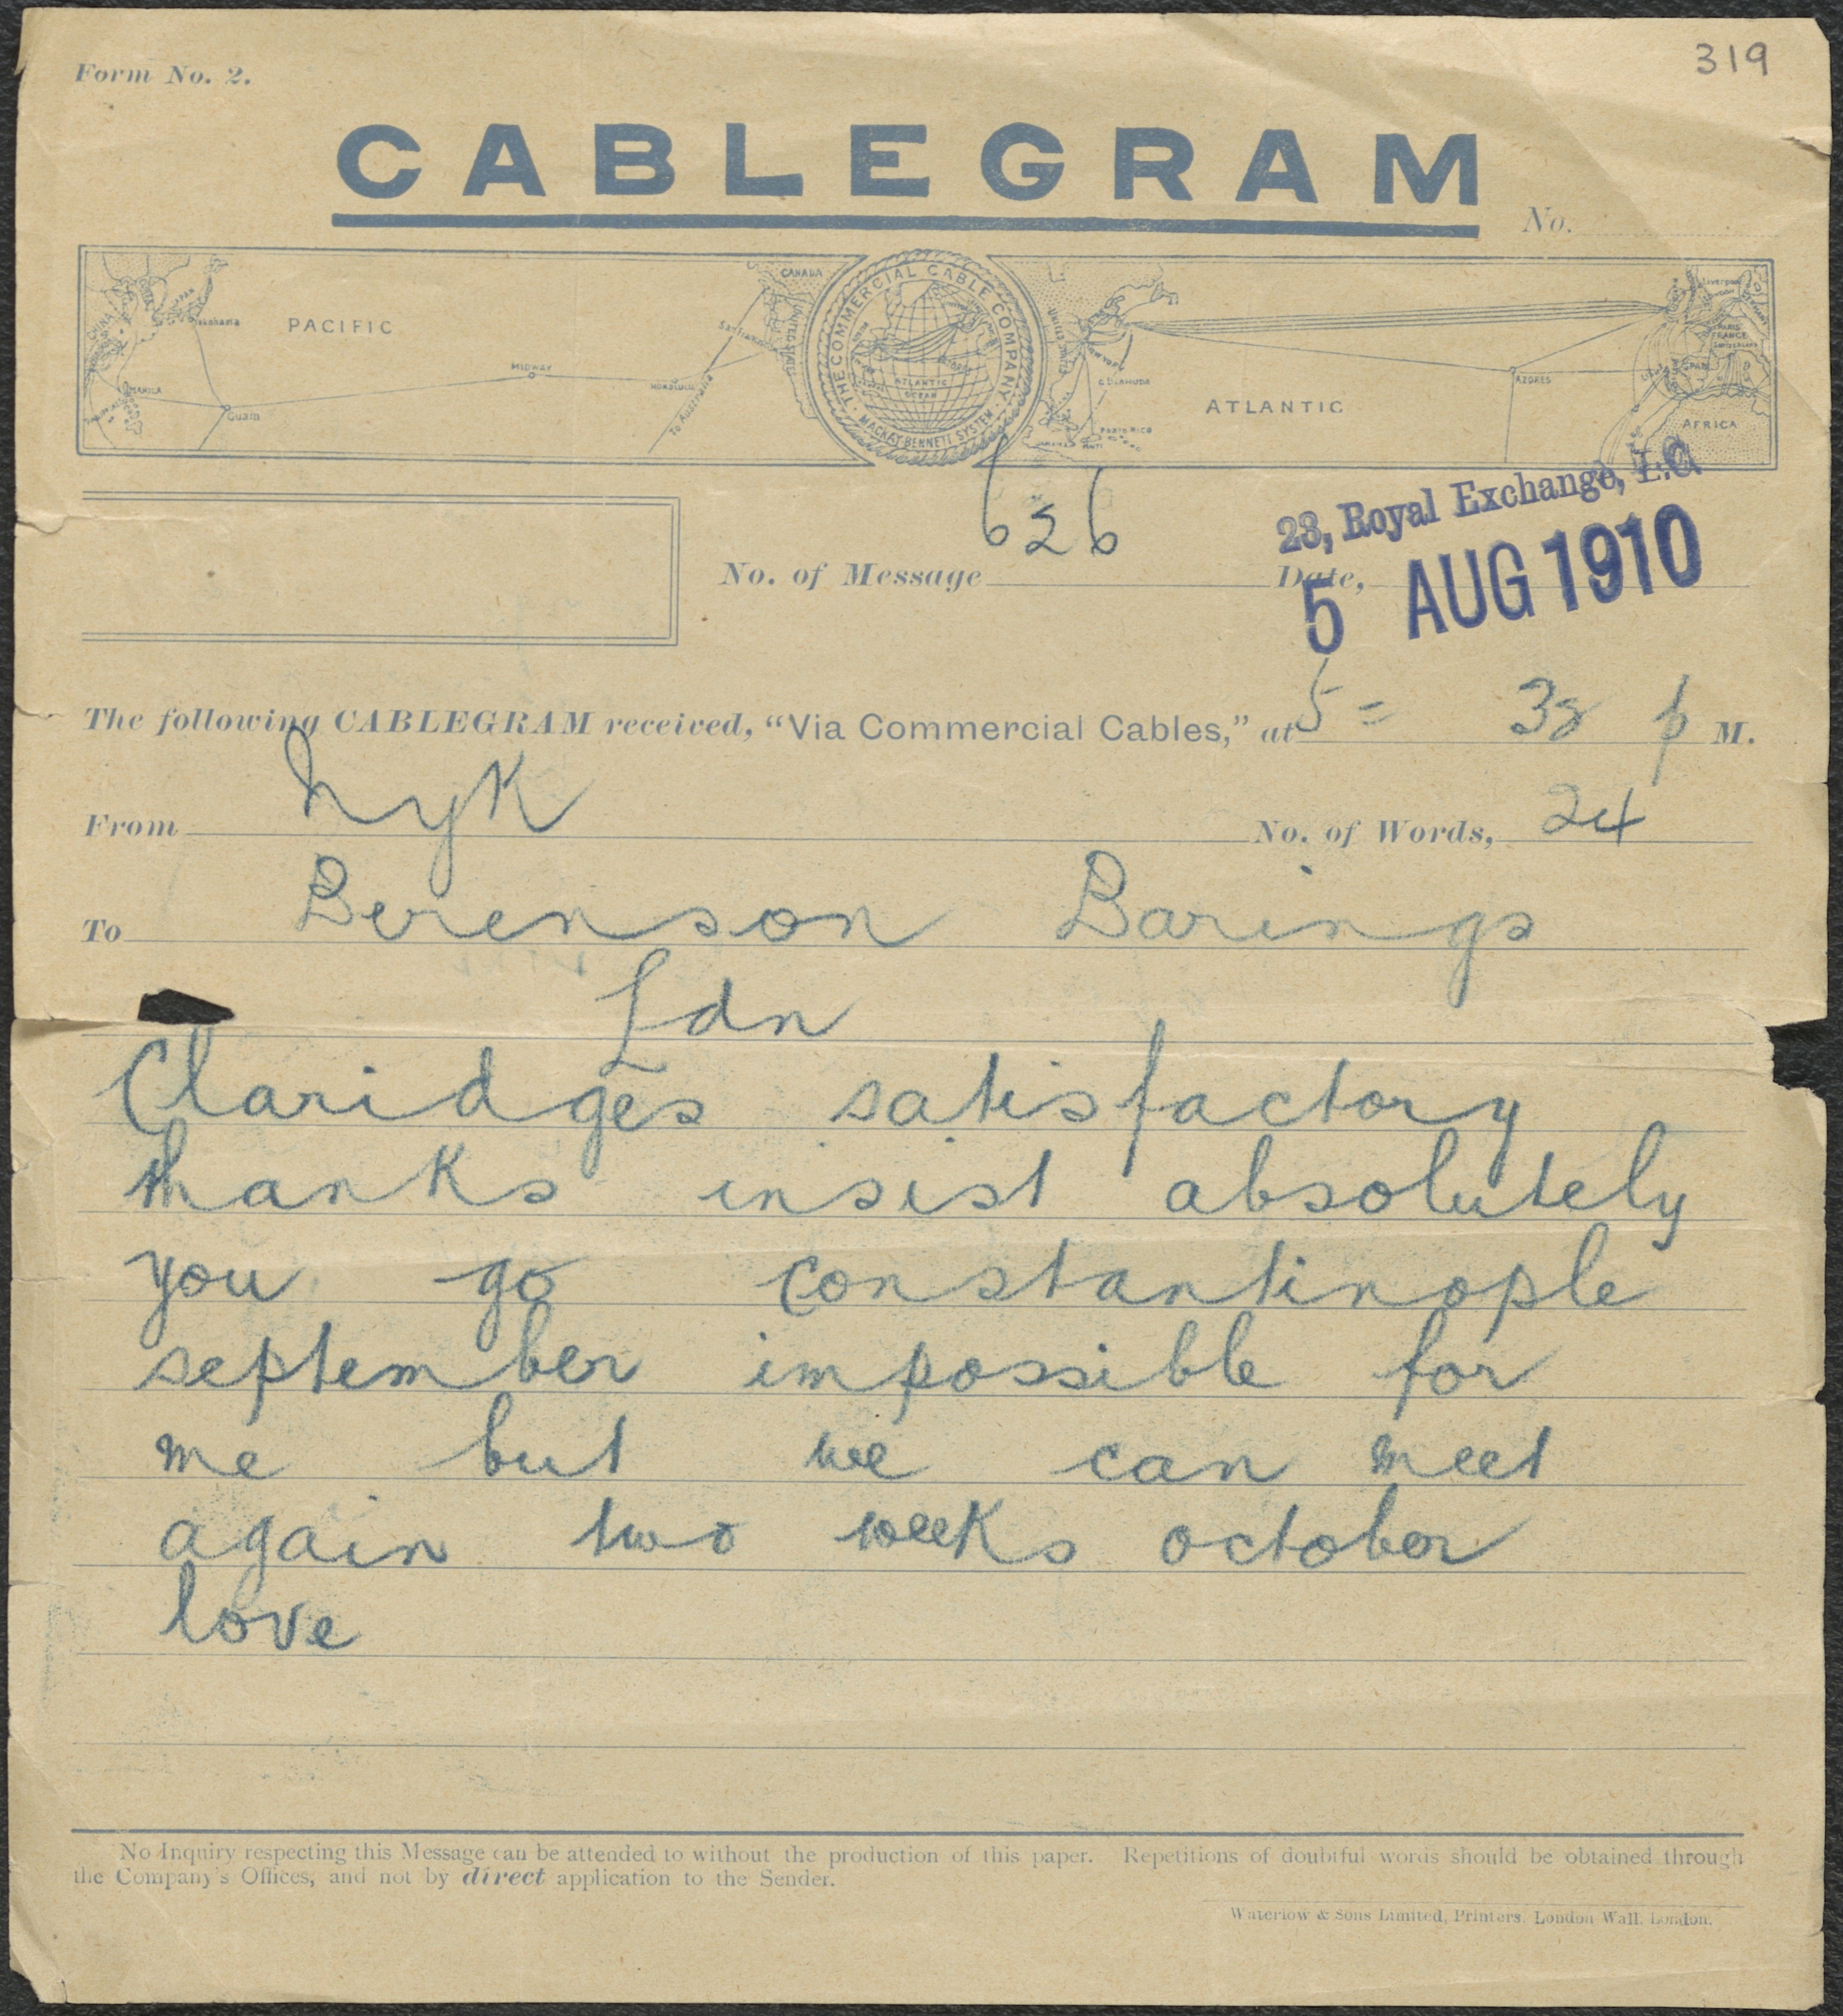Ldn
Claridges satisfactory thanks insist absolutely you go Constantinople september impossible for me but we can meet again two weeks October
love